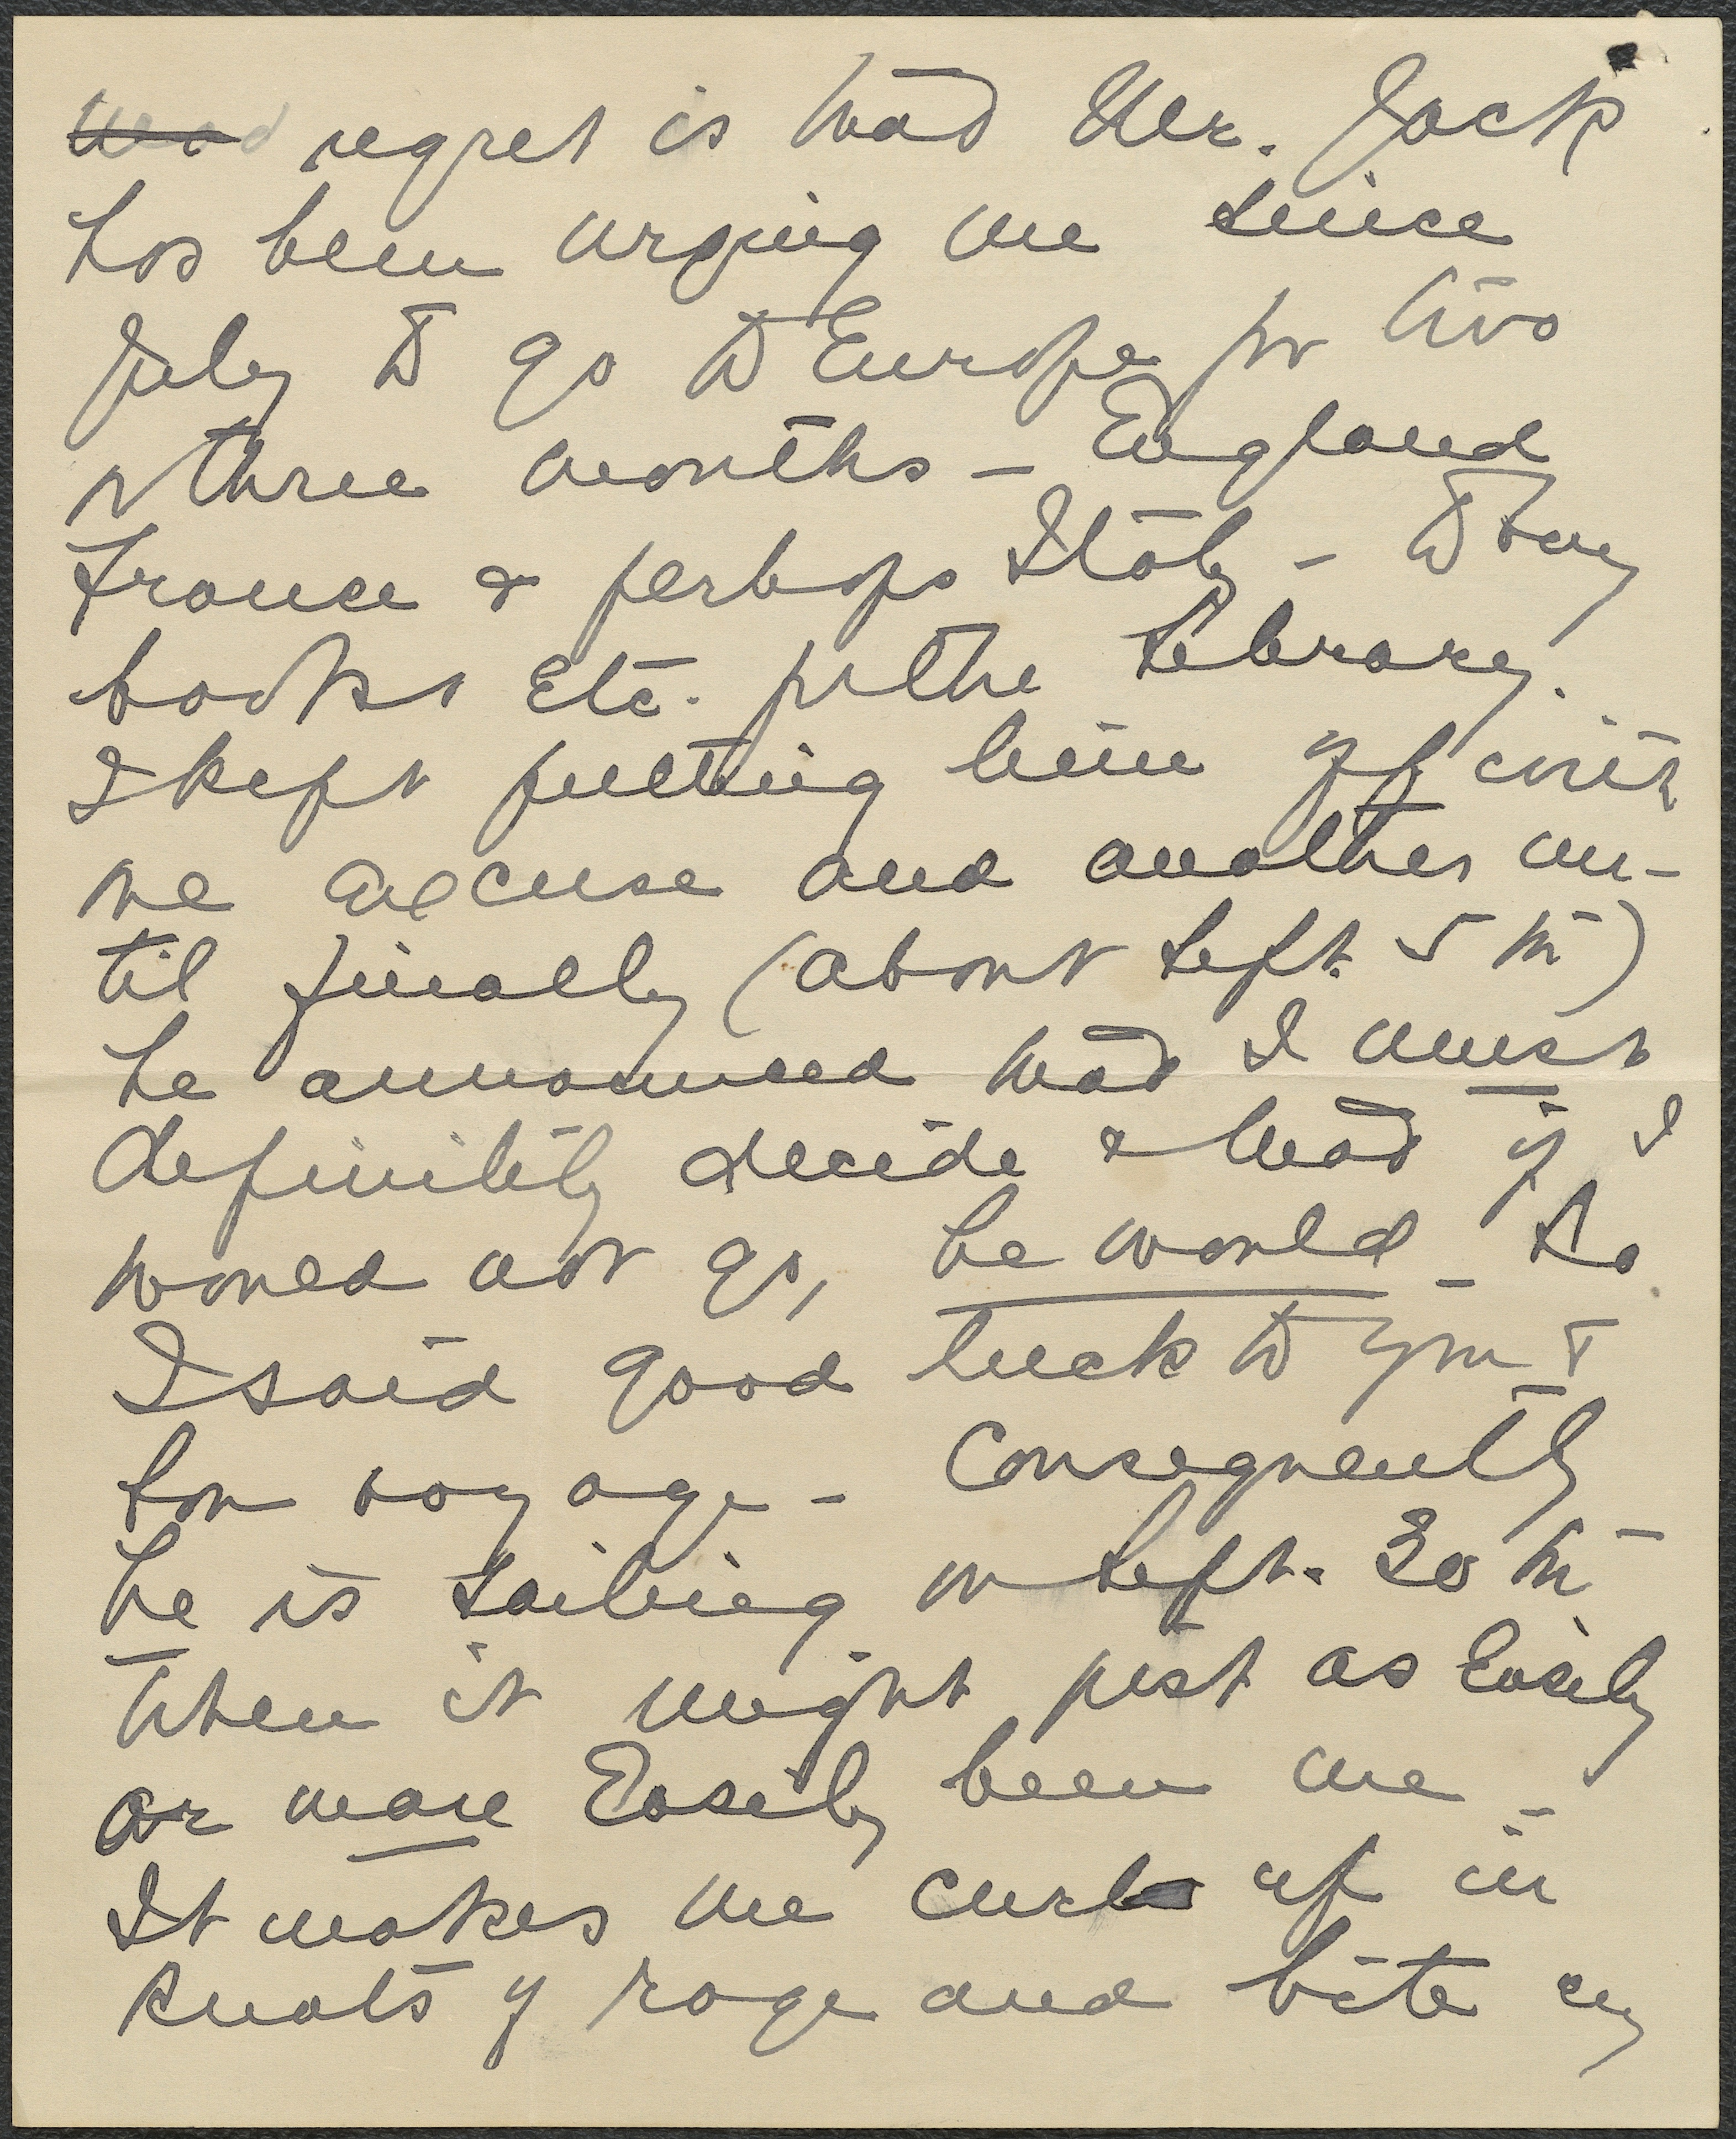[illegible deletion] regret is that Mr. Jack has been urging me since July to go to Europe for two or three months – England France & perhaps Italy – to buy books etc. for the Library. I kept putting him off with one excuse and another until finally (about Sept. 5th) he announsed [sic] that I must definitely decide & that if I would not go, he would – so I said good luck to you & bon voyage – consequently he is sailing on Sept. 30th when it might just as easily or more easily been me – It makes me curl up in knots of rage and bite my